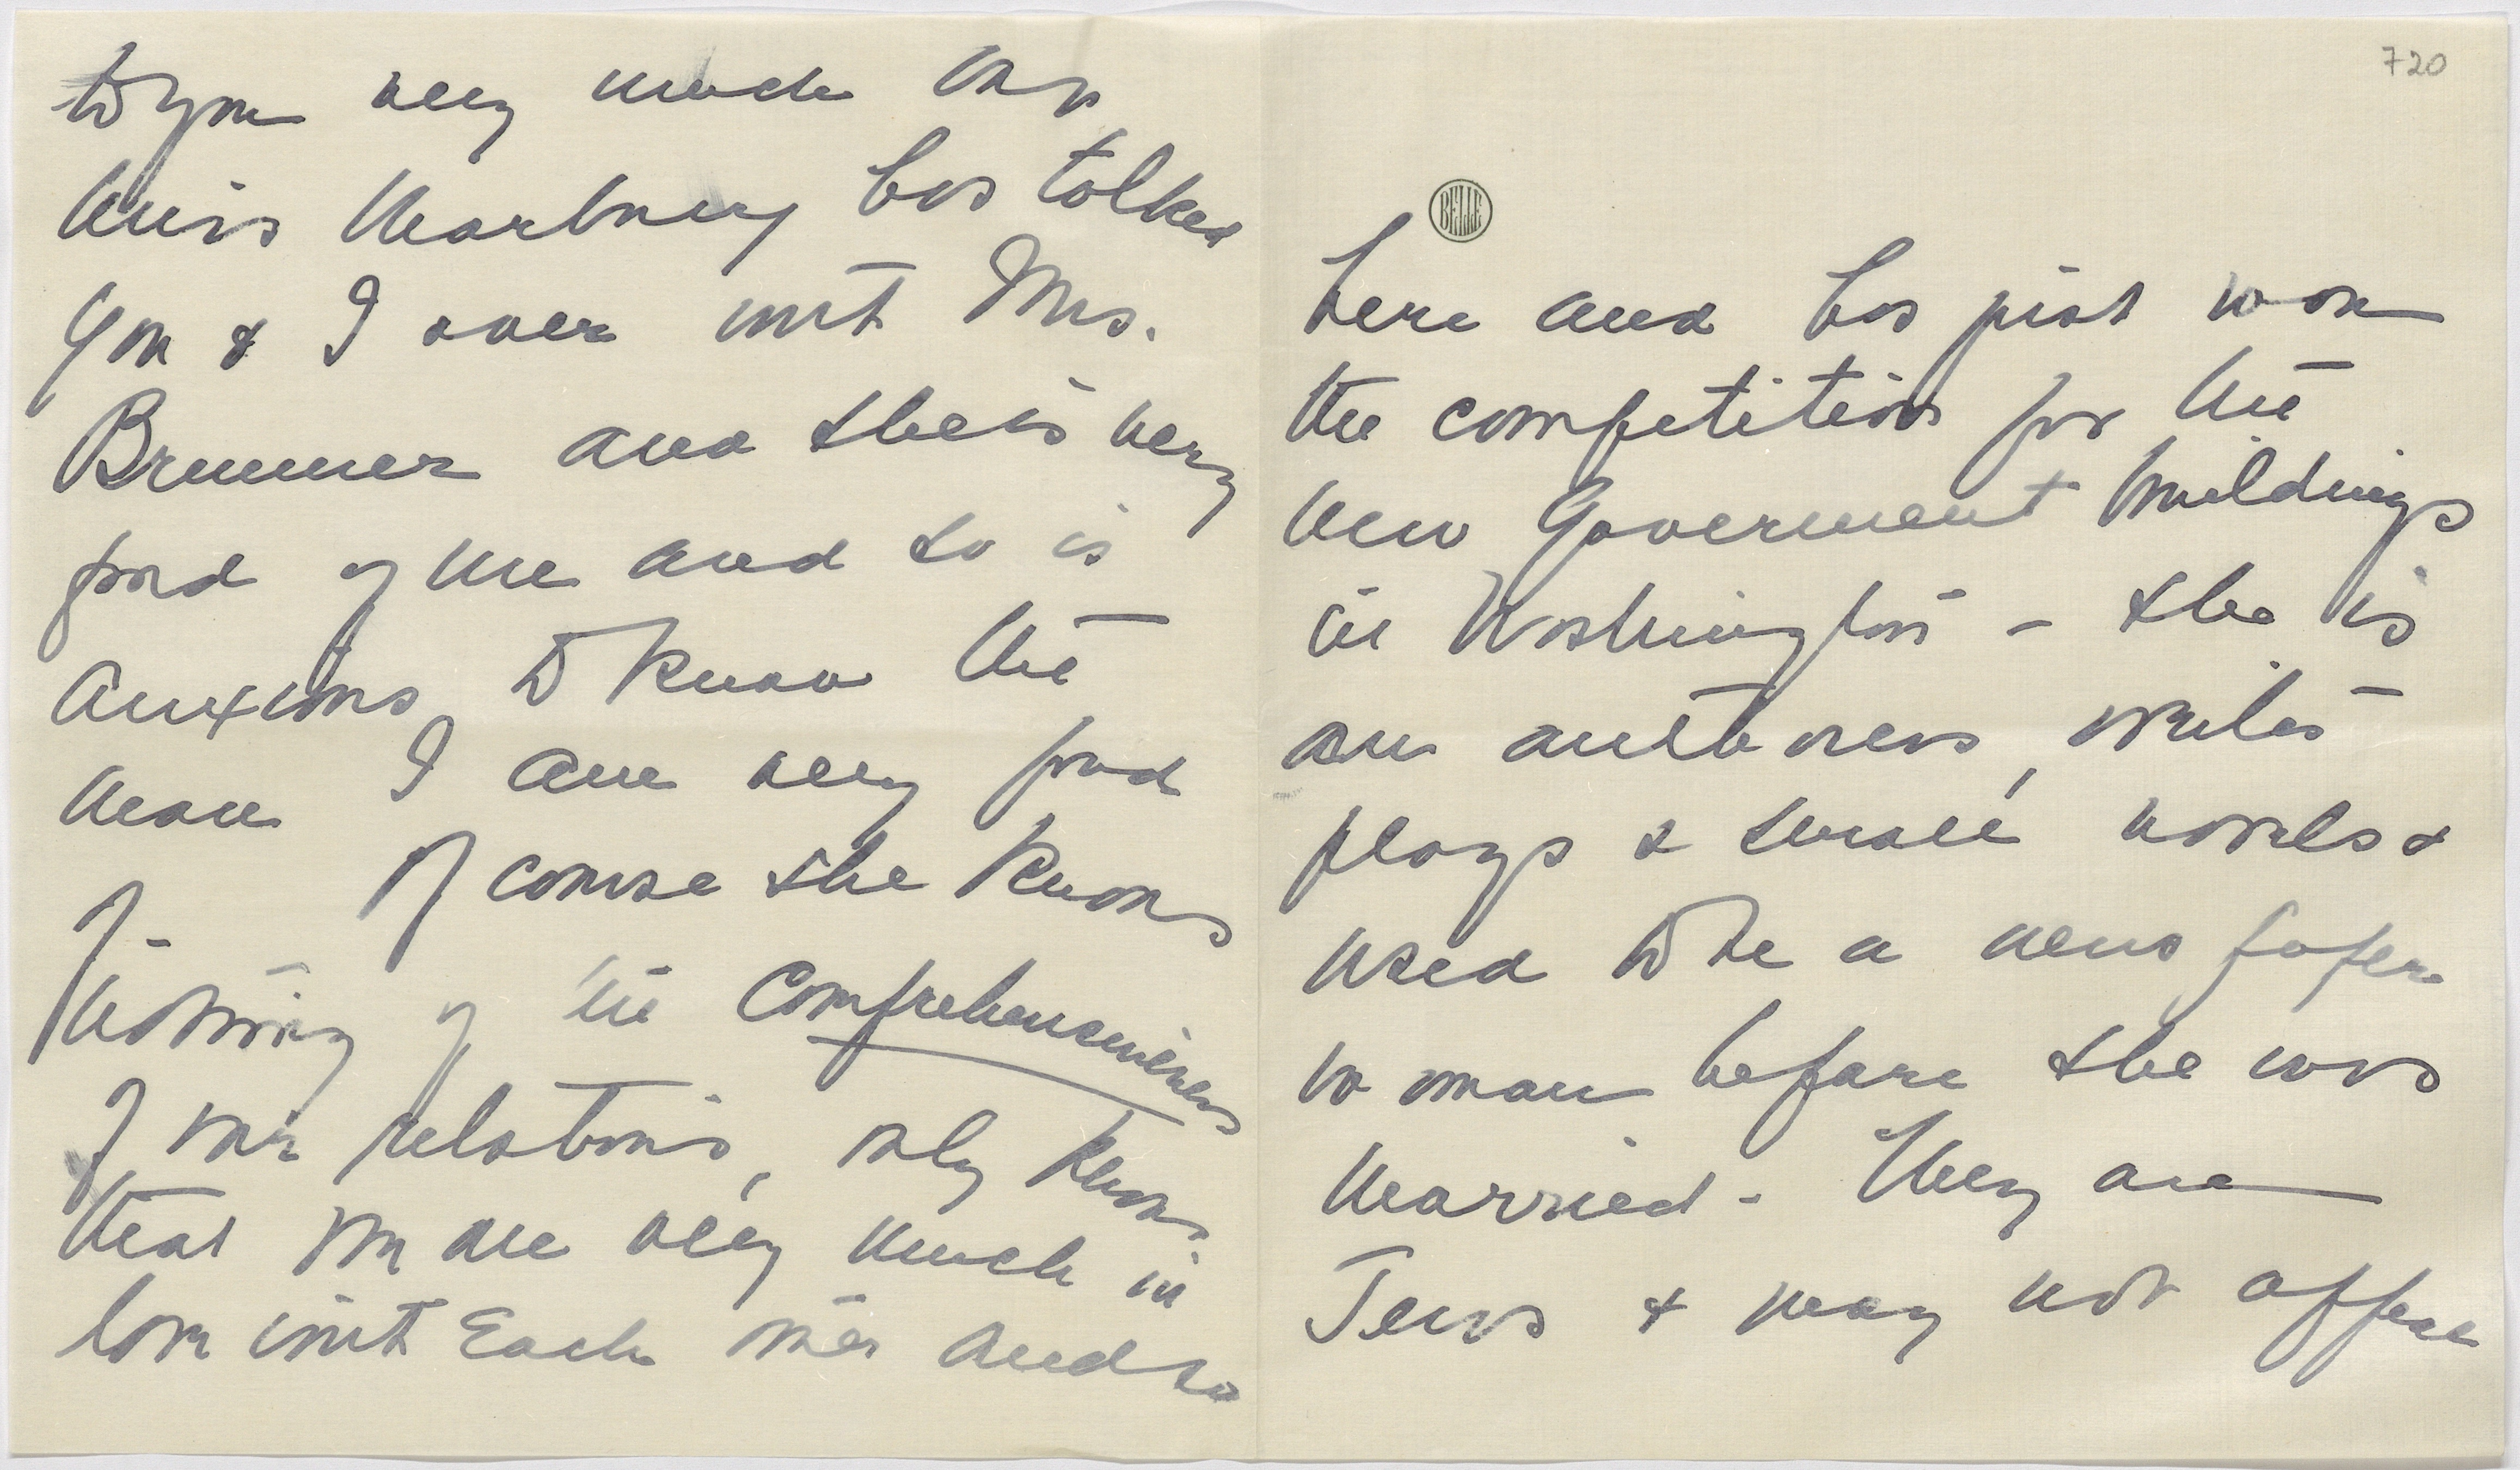here and has just won the competition for the new government buildings in Washington – she is an authoress, writes plays & small novels & used to be a newspaper woman before she was married. They are Jews & may not appeal
to you very much but Miss Marbury has talked you & I over with Mrs. Brunner and she is very fond of me and so is anxious to know the man I am very fond of.
Of course she knows of nothing of the comprehensiveness of our relations, only knows that we are very much in love with each other and so